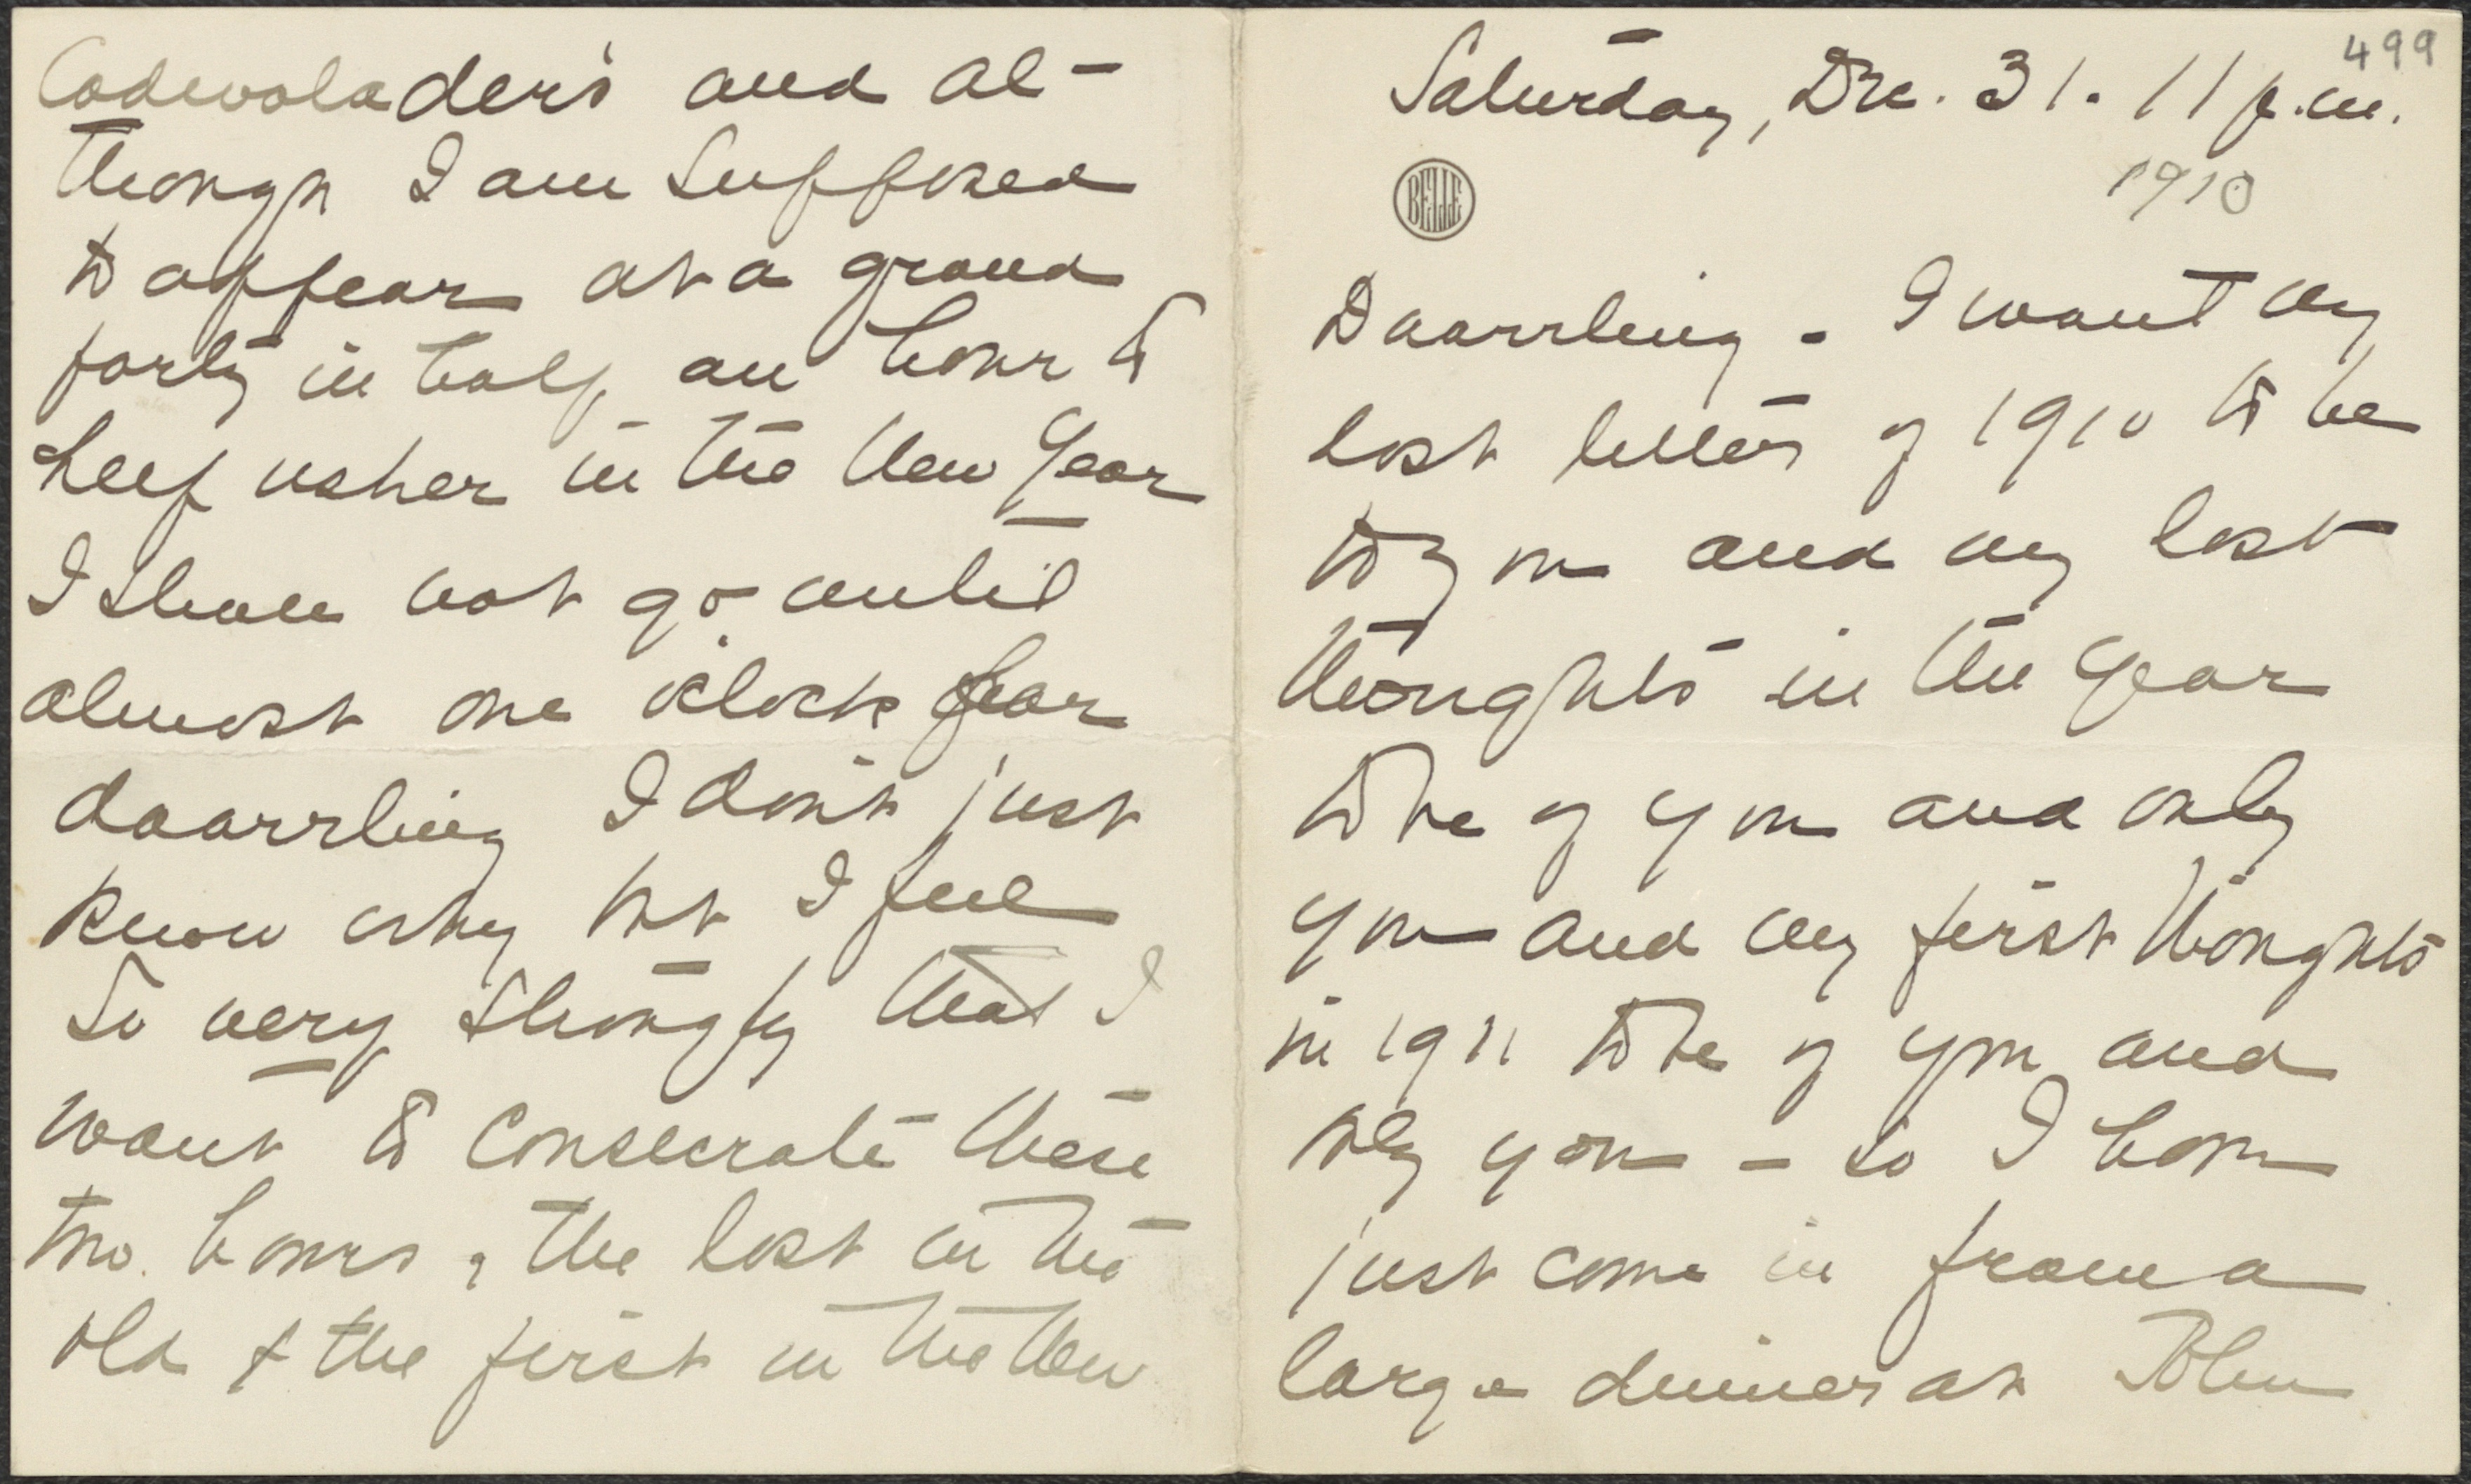Saturday, Dec. 31. 11 p.m.
Daarrling – I want my last letter of 1910 to be to you and my last thoughts in the year to be of you and only you and my first thoughts in 1911 to be of you and only you – so I have just come in from a large dinner at John
Cadwalader’s and although I am supposed to appear at a grand party in half an hour to help usher in the New Year I shall not go until almost one o’clock dar for daarrling I don’t just know why but I feel so very strongly that I want to consecrate these two hours, the last in the old & the first in the New